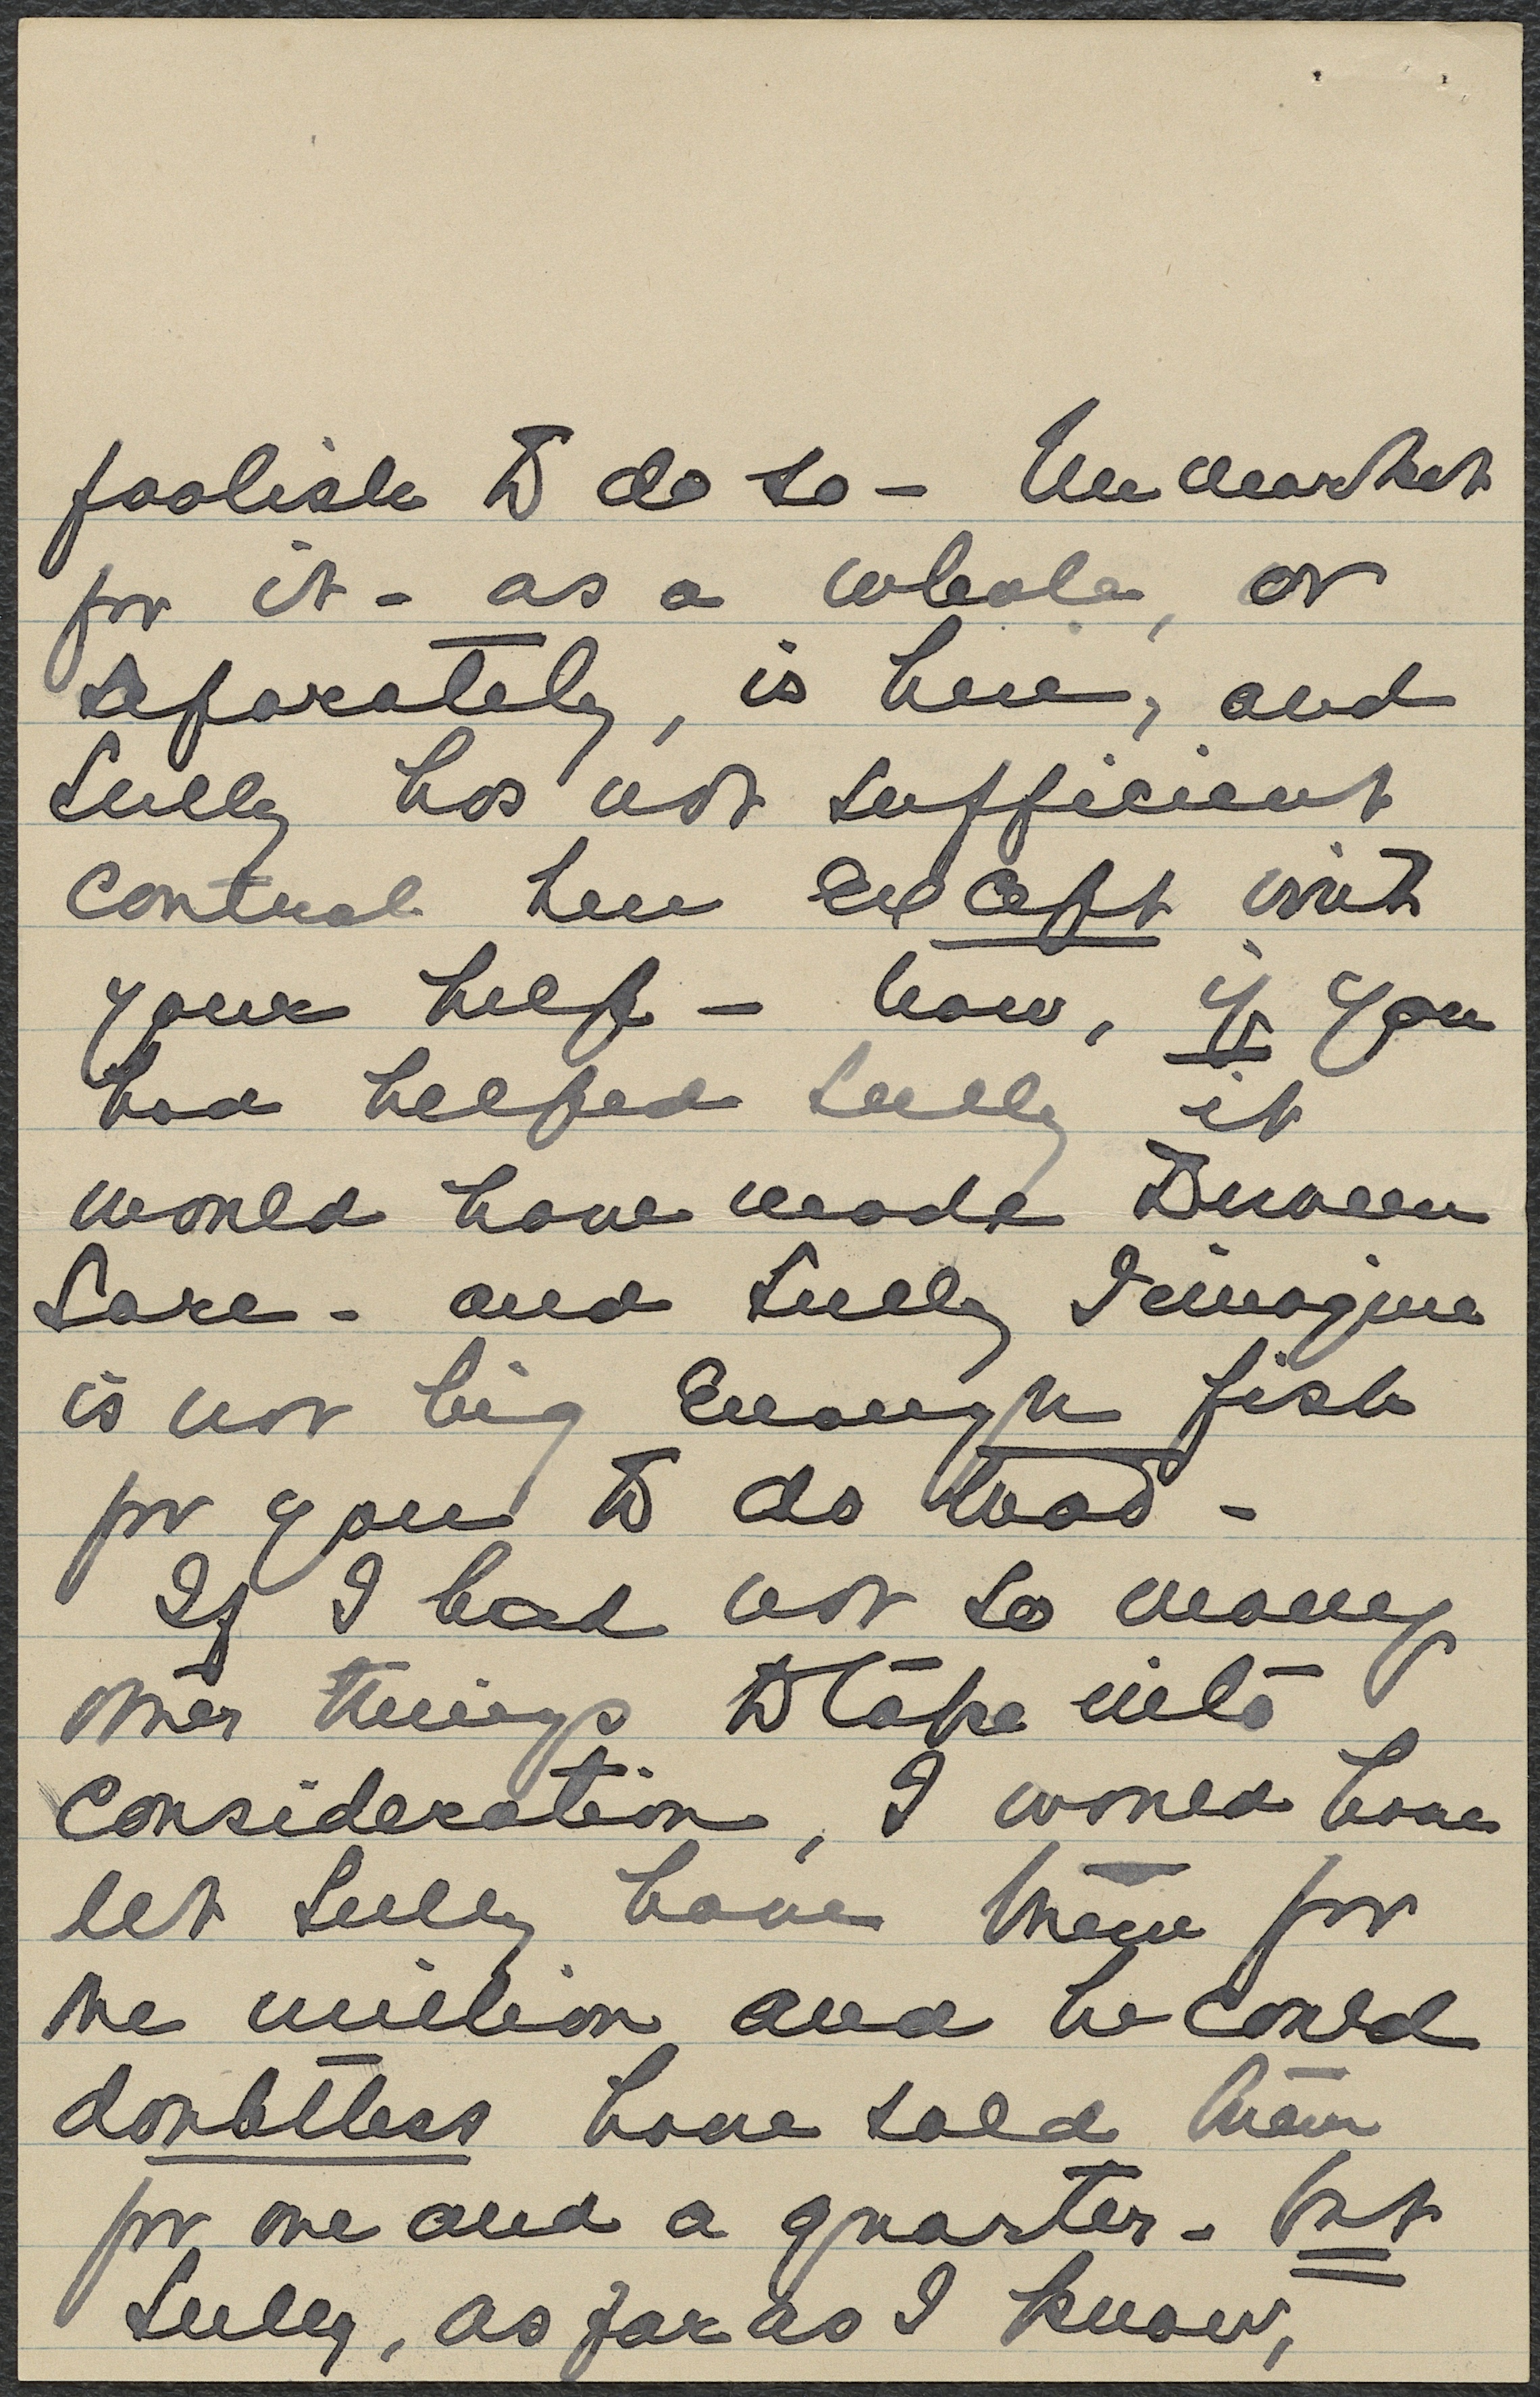foolish to do so – the market for it – as a whole, or separately, is here, and Sully has not sufficient control here except with your help – now, if you had helped Sully it would have made Duveen sore – and Sully I imagine is not big enough fish for you to do that –
If I had not so many other things to take into consideration, I would have let Sully have them for one million and he could doubtless have sold them for one and a quarter – [double underlined: but] Sully, as far as I know,